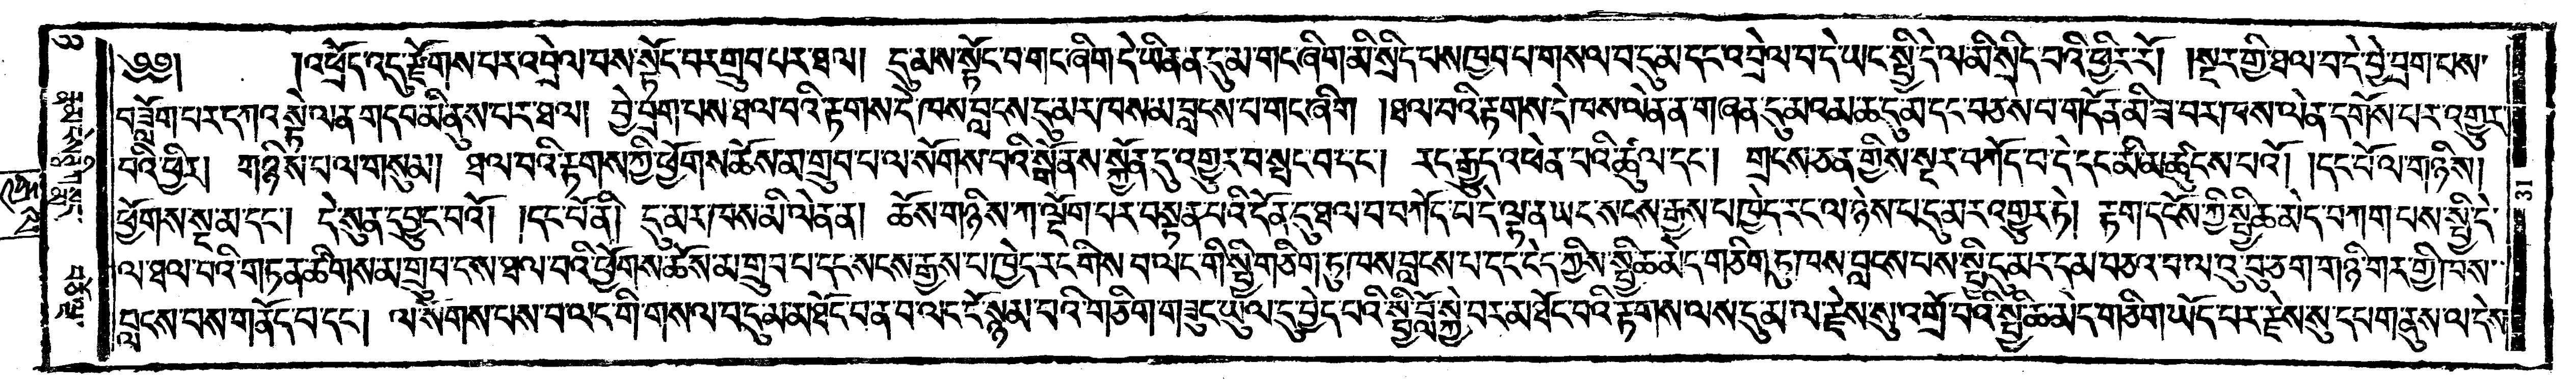༄༅། །འཕྲོད་འདུ་རྫོགས་པར་འབྲེལ་བས་སྟོང་བར་གྲུབ་པར་ཐལ། དུ་མས་སྟོང་བ་གང་ཞིག་དེ་ཡིན་ན་དུ་མ་གང་ཞིག་མི་སྲིད་པས་ཁྱབ་པ་གསལ་བ་དུ་མ་དང་འབྲེལ་བ་དེ་ཡང་སྦྱི་དེ་ལ་མི་སྲིད་པའི་ཕྱིར་རོ། །སྔར་གྱི་ཐལ་བ་དེ་བྱེ་བྲག་པས་
བཟློག་པར་དཀའ་སྟེ་ལན་གདབ་མི་ནུས་པར་ཐལ། བྱེ་བྲག་པས་ཐལ་བའི་རྟགས་དེ་ཁས་བླངས་དུ་མར་ཁས་མ་བླངས་པ་གང་ཞིག །ཐལ་བའི་རྟགས་དེ་ཁས་ལེན་ན་གཞན་དུ་མའམ་ཆ་དུ་མ་དང་བཅས་པ་གདོན་མི་ཟ་བར་ཁས་ལེན་དགོས་པར་འགྱུར་
བའི་ཕྱིར། གཉིས་པ་ལ་གསུམ། ཐལ་བའི་རྟགས་ཀྱི་ཕྱོགས་ཆོས་མ་གྲུབ་པ་ལ་སོགས་པའི་སྒོ་ནས་སྐྱོན་དུ་འགྱུར་བ་སྤང་བ་དང་། རང་རྒྱུད་འཕེན་པའི་ཚུལ་དང་། གྲངས་ཅན་གྱིས་སྔར་བཀོད་པ་དེ་དང་མི་མཚུངས་པའོ། །དང་པོ་ལ་གཉིས།
ཕྱོགས་སྔ་མ་དང་། དེ་སུན་དབྱུང་བའོ། །དང་པོ་ནི། དུ་མར་ཁས་མི་ལེན་ན། ཆོས་གཉིས་ཀ་ལྡོག་པར་བསྟན་པའི་དོན་དུ་ཐལ་བ་བཀོད་པ་དེ་ལྷ་ན་ཡང་སངས་རྒྱས་པ་ཁྱེད་རང་ལ་ཉེས་པ་དུ་མར་འགྱུར་ཏེ། རྟག་དངོས་ཀྱི་སྤྱི་ཆ་མེད་བཀག་པས་སྤྱི་དེ་
ལ་ཐལ་བའི་གཏན་ཚིགས་མ་གྲུབ་ངས་ཐལ་བའི་ཕྱོགས་ཆོས་མ་གྲུབ་པ་དང་སངས་རྒྱས་པ་ཁྱེད་རང་གིས་བ་ལང་གི་སྦྱི་གཅིག་ཏུ་ཁས་བླངས་པ་དང་ངེད་ཀྱིས་སྦྱི་ཆ་མེད་གཅིག་ཏུ་ཁས་བླངས་པས་སྤྱི་དུ་མར་དམ་བཅའ་བ་ལ་འུ་བུ་ཅག་གཉིས་གར་གྱི་ཁས་
བླངས་པས་གནོད་པ་དང་། ལ་སོགས་པས་བ་ལང་གི་གསལ་བ་དུ་མ་མཐོང་བ་ན་བ་ལང་ངོ་སྙམ་པའི་གཅིག་གཟུང་ཡུལ་དུ་བྱེད་པའི་སྦྱི་བློ་སྐྱེ་བར་མཐོང་བའི་རྟགས་ལས་དུ་མ་ལ་རྗེས་སུ་འགྲོ་བའི་སྤྱི་ཆ་མེད་གཅིག་ཡོད་པར་རྗེས་སུ་དཔག་ནུས་ལ་དེས་